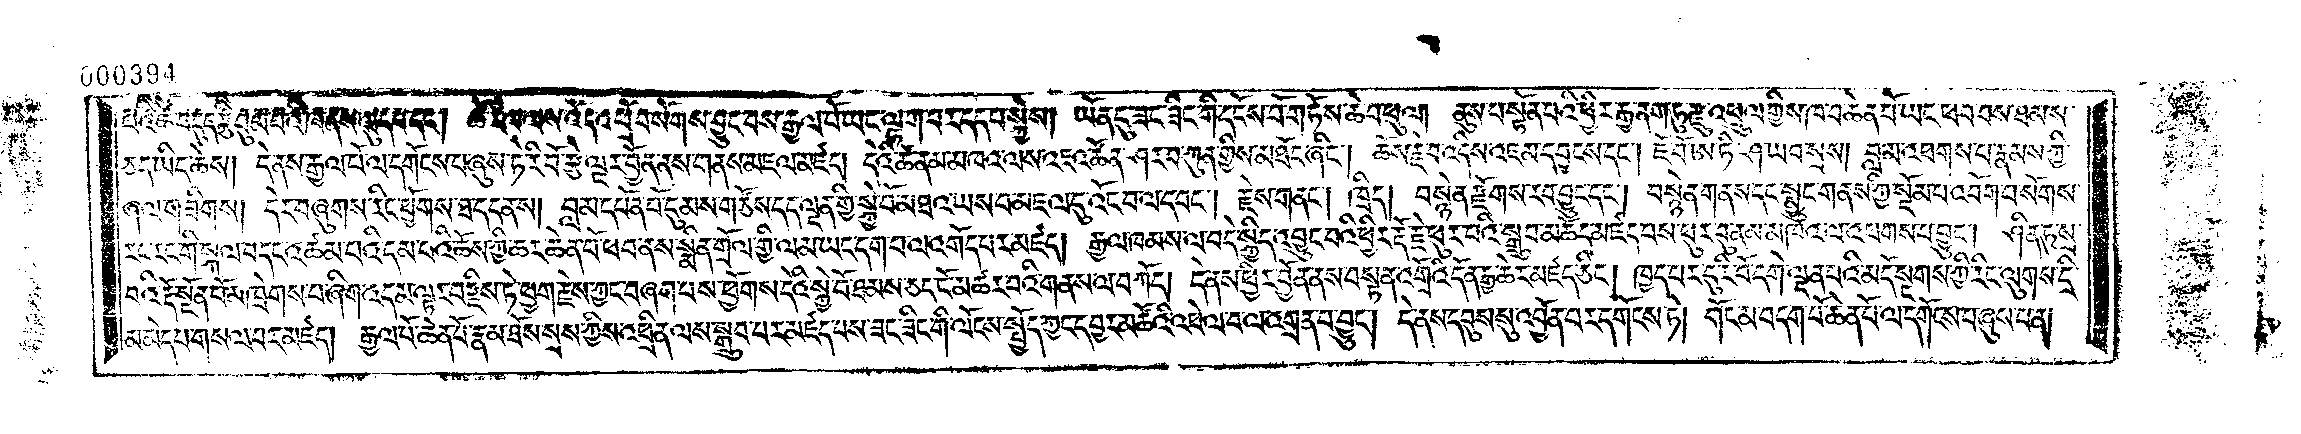བའི་ཚེ་བདུད་རྩི་བུམ་པའི་ཁ་ནས་ལུད་པ་དང་། ཚེ་རིལ་ལས་འོད་འཕྲོ་བ་སོགས་བྱུང་བས་རྒྱལ་པོ་ཡང་ལྷག་པར་དད་པ་སྐྱེས། ཡོན་དུ་ཟང་ཟིང་གི་དངོས་པོ་གཏོས་ཆེ་བ་ཕུལ། ནུས་པ་སྟོན་པའི་ཕྱིར་རྒྱ་ནག་ཏུ་རྫུ་འཕྲུལ་གྱིས་ཁ་བ་ཆེན་པོ་ཡང་ཕབ་བས་ཐམས་
ཅད་ཡིད་ཆེས། དེ་ནས་རྒྱལ་པོ་ལ་དགོངས་པ་ཞུས་ཏེ་རི་བོ་རྩེ་ལྔར་བྱོན་ནས་གནས་མཇལ་མཛད། དེའི་ཚེ་ནམ་མཁའ་ལས་འཇའ་ཚོན་ཤར་བ་ཀུན་གྱིས་མཐོང་ཞིང་། ཆོས་རྗེ་བ་འདིས་འཇམ་དབྱངས་དང་། ཇོ་བོ་ཨ་ཏི་ཤ་ཡབ་སྲས། བླ་མ་འཕགས་པ་རྣམས་ཀྱི་
ཞལ་གཟིགས། དེར་བཞུགས་རིང་ཕྱོགས་ཐ་དད་ནས། བླ་མ་དཔོན་པོ་དུ་མས་གཙོས་དད་ལྡན་གྱི་སྐྱེ་བོ་མཐའ་ཡས་བ་མཇལ་དུ་འོང་བ་ལ་དབང་། རྗེས་གནང་། ཁྲིད། བསྙེན་རྫོགས་རབ་བྱུང་དང་། བསྙེན་གནས་དང་སྨྱུང་གནས་ཀྱི་སྔོམ་པ་འབོག་བ་སོགས་
རང་རང་གི་སྐལ་བ་དང་འཚམ་པའི་དམ་པའི་ཆོས་ཀྱི་ཆར་ཆེན་པོ་ཕབ་ནས་སྨིན་གྲོལ་གྱི་ལམ་ཡང་དག་པ་ལ་འགོད་པར་མཛད། རྒྱལ་ཁམས་ལ་བདེ་སྐྱིད་འབྱུང་བའི་ཕྱིར་རྡོ་རྗེ་ཕུར་བའི་སྒྲུབ་མཆོད་མཛད་པས་ཕུར་བུ་ནམ་མཁའ་ལ་འཕགས་པ་བྱུང་། ཤིན་ཏུ་སྲ་
བའི་རྡོ་སྔོན་པོ་མཁྲེགས་བ་ཞིག་འདམ་ལྟར་བརྫིས་ཏེ་ཕྱག་རྗེས་ཀྱང་བཞག་པས་ཕྱོགས་དེའི་སྐྱེ་བོ་ཐམས་ཅད་ངོ་མཚར་བའི་གནས་ལ་བཀོད། དེ་ནས་ཕྱིར་བྱོན་ནས་བསྟན་འགྲོའི་དོན་རྒྱ་ཆེར་མཛད་ཅིང་། ཁྱད་པར་དུ་རི་བོ་དགེ་ལྡན་པའི་མདོ་སྔགས་ཀྱི་རིང་ལུགས་དྲི་
མ་མེད་པ་གསལ་པར་མཛད། རྒྱལ་པོ་ཆེན་པོ་རྣམ་ཐོས་སྲས་ཀྱིས་འཕྲིན་ལས་སྒྲུབ་པར་མཛད་པས་ཟང་ཟིང་གི་ལོངས་སྤྱོད་ཀྱང་དབྱར་མཚོའི་འཕེལ་བ་ལ་འགྲན་པ་བྱུང་། དེ་ནས་དབུས་སུ་འབྱོན་པར་དགོངས་ཏེ། གོང་མ་བདག་པོ་ཆེན་པོ་ལ་དགོངས་པ་ཞུས་པ་ན།